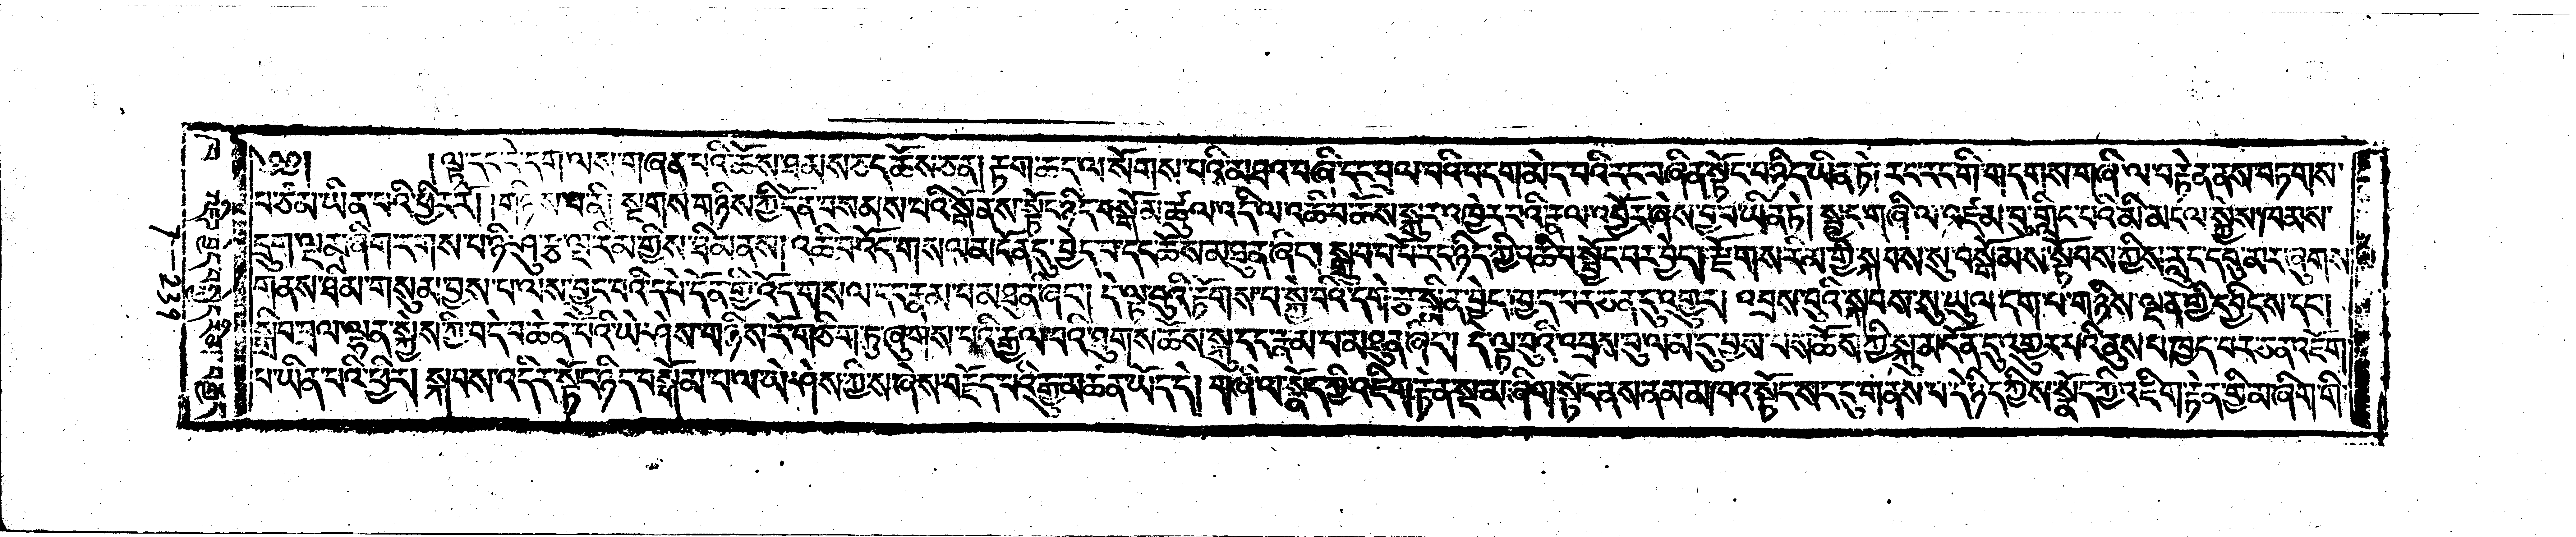༄༅། །ལྷ་དང་དེ་དག་ལས་གཞན་པའི་ཆོས་ཐམས་ཅད་ཆོས་ཅན། རྟག་ཆད་ལ་སོགས་པའི་མཐའ་བཞི་དང་བྲལ་བའི་བདག་མེད་པའི་རང་བཞིན་སྟོང་པ་ཉིད་ཡིན་ཏེ། རང་རང་གི་གདགས་གཞི་ལ་བརྟེན་ནས་བཏགས་
པ་ཙམ་ཡིན་པའི་ཕྱིར་རོ། །གཉིས་པ་ནི། སྔགས་གཉིས་ཀྱི་དོན་བསམས་པའི་སྒོ་ནས་སྟོང་ཉིད་བསྒོམ་ཚུལ་འདི་ལ་འཆི་བ་ཆོས་སྐུར་འཁྱེར་བའི་རྣལ་འབྱོར་ཞེས་བྱ་བ་ཡིན་ཏེ། སྦྱང་གཞི་ལ་འཛམ་བུ་གླིང་པའི་མི་མངལ་སྐྱེས་ཁམས་
དྲུག་ལྡན་ཞིག་རགས་པ་ཉི་ཤུ་རྩ་ལྔ་རིམ་གྱིས་ཐིམ་ནས། འཆི་བ་འོད་གསལ་མངོན་དུ་བྱེད་པ་དང་ཆོས་མཐུན་ཞིང་། སྒྲུབ་པ་པོ་རང་ཉིད་ཀྱི་འཆི་བ་སྤྱོད་པར་བྱེད། རྫོགས་རིམ་གྱི་སྐབས་སུ་བསྒོམས་སྟོབས་ཀྱིས་རླུང་དབུ་མར་ཞུགས་
གནས་ཐིམ་གསུམ་བྱས་པ་ལས་བྱུང་བའི་དཔེ་དོན་གྱི་འོད་གསལ་དང་རྣམ་པ་མཐུན་ཞིང་། དེ་ལྟ་བུའི་རྟོགས་པ་སྐྱེ་པའི་དགེ་རྩ་སྨིན་བྱེད་ཁྱད་པར་ཅན་དུ་འགྱུར། འབྲས་བུའི་སྐབས་སུ་ཡུལ་དག་པ་གཉིས་ལྡན་གྱི་དབྱིངས་དང་།
སྒྲིབ་བྲལ་ལྷན་སྐྱེས་ཀྱི་བདེ་བ་ཆེན་པོའི་ཡེ་ཤེས་གཉིས་རོ་གཅིག་ཏུ་ཞུགས་པའི་རྒྱལ་བའི་ཐུགས་ཆོས་སྐུ་དང་རྣམ་པ་མཐུན་ཞིང་། དེ་ལྟ་བུའི་འབྲས་བུ་ལམ་དུ་བྱས་པས་ཆོས་ཀྱི་སྐུ་མངོན་དུ་འགྱུར་བའི་ནུས་པ་ཁྱད་པར་ཅན་འཇོག་
པ་ཡིན་པའི་ཕྱིར། སྐབས་འདིར་སྟོང་ཉིད་བསྒོམ་པ་ལ་ཡེ་ཤེས་ཀྱིས་ཞེས་བརྗོད་པའི་རྒྱུ་མཚན་ཡོད་དེ། གཞི་ལ་སྣོད་ཀྱི་འཇིག་རྟེན་སྔ་མ་ཞིག་སྟོང་ནས་ནམ་མཁའ་སྟོང་སང་དུ་གནས་པ་དེ་ཉིད་ཀྱིས་སྣོད་ཀྱི་འཇིག་རྟེན་ཕྱི་མ་ཞིག་གི་